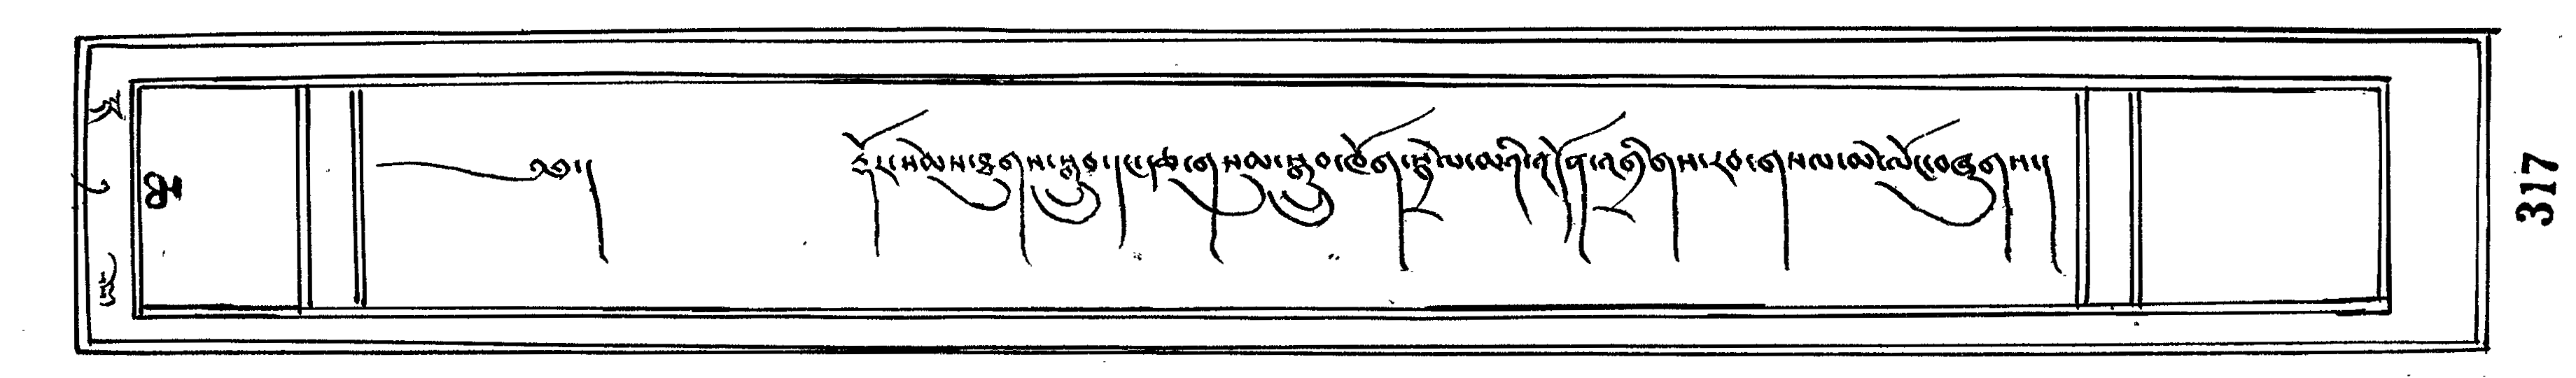༄༅། །རྡོར་སེམས་ཐུགས་སྒྲུབ་དང་རྩ་གསུམ་སྒྲུབ་ཁོག་སྦྲེལ་མའི་འདོན་འགྲིགས་རབ་གསལ་མེ་ལོང་བཞུགས།